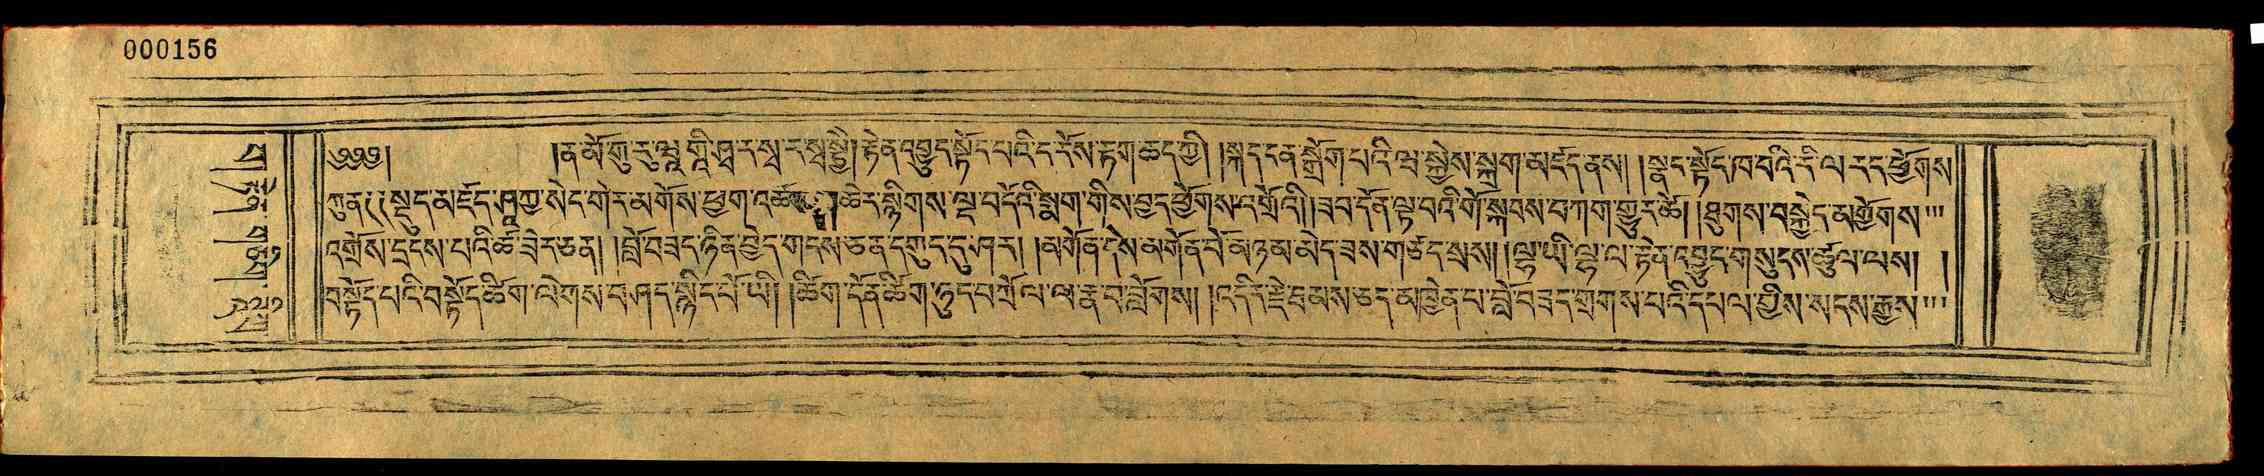༄༅༅། །ན་མོ་གུ་རུ་ཝཱ་གཱི་ཤྭ་ར་སྭ་ར་སྭ་སྟི། རྟེན་འབྱུང་སྟོད་པའི་ང་རོས་རྟག་ཆད་ཀྱི། །སྐད་ངན་སྒྲོག་པའི་ཝ་སྐྱེས་སྐྲག་མཛད་ནས། །སྣང་སྟོད་ཁ་བའི་རིལ་རང་ཕྱོགས་
ཀུན༑ ༑སྡུད་མཛད་ཤཱ་ཀྱ་སེང་གེར་མགོས་ཕྱག་འཚལ། །ཆེར་སྙིགས་ལྔ་བདོའི་སྨག་གིས་བྱང་ཕྱོགས་འགྲོའི། །ཟབ་དོན་ལྟ་བའི་གོ་སྐབས་བཀག་གྱུར་ཚེ། །ཐུགས་བསྐྱེད་མགྱོགས་
འགྲོས་དྲངས་པའི་ཚ་ཟེར་ཅན། །བློ་བཟང་ཉིན་བྱེད་གངས་ཅན་དགུང་དུ་ཤར། །མགོན་དེས་མགོན་པོ་མཉམ་མེད་ཟས་གཙང་སྲས། །ལྷ་ཡི་ལྷ་ལ་རྟེན་འབྱུང་གསུངས་ཚུལ་ལས། ། བསྟོད་པའི་བསྟོད་ཚིག་ལེགས་བཤད་སྙིང་པོ་ཡི། །ཚིག་དོན་ཚིག་ཉུང་བཀྲོལ་ལ་རྣ་བ་བློགས། །འདིར་རྗེ་ཐམས་ཅད་མཁྱེན་པ་བློ་བཟང་གྲགས་པའི་དཔལ་གྱིས་སངས་རྒྱས་